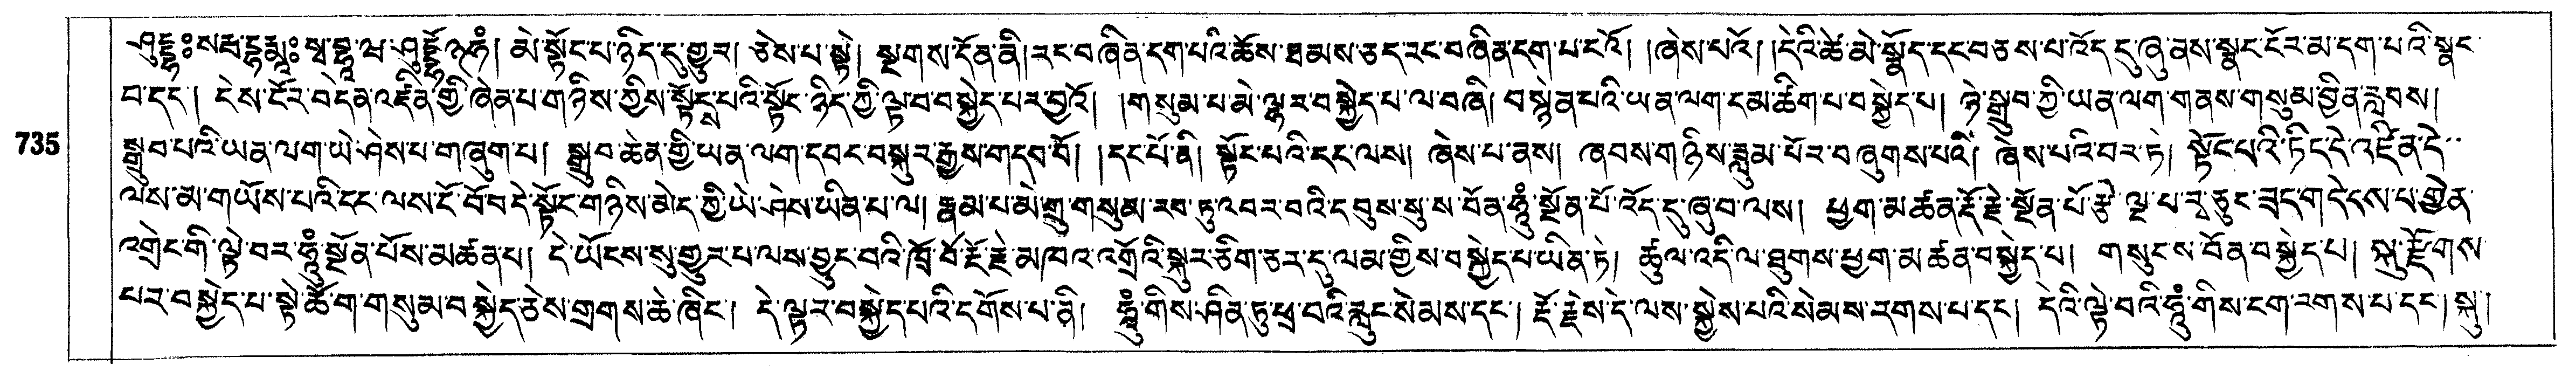ཤུདྡྷཿ སརྦ་དྷརྨཱཿ སྭ་བྷཱ་ཝ་ཤུ་དྡྷོ་ཉཧཾ། མེ་སྟོང་པ་ཉིད་དུ་གྱུར། ཅེས་པ་སྟེ། སྔགས་དོན་ནི། རང་བཞིན་དག་པའི་ཆོས་ཐམས་ཅད་རང་བཞིན་དག་པ་ངའོ། །ཞེས་པའོ། །དེའི་ཚེ་མེ་སྣོད་དང་བཅས་པ་འོད་དུ་ཞུ་ནས་སྣང་ངོར་མ་དག་པའི་སྣང་
བ་དང་། ངེས་ངོར་བདེན་འཛིན་གྱི་ཞེན་པ་གཉིས་ཀྱིས་སྟོངས་པའི་སྟོང་ཉིད་ཀྱི་ལྟ་བ་བསྐྱེད་པར་བྱའོ། །གསུམ་པ་མེ་ལྷར་བསྐྱེད་པ་ལ་བཞི། བསྙེན་པའི་ཡན་ལག་དམ་ཚིག་པ་བསྐྱེད་པ། ཉེ་སྒྲུབ་ཀྱི་ཡན་ལག་གནས་གསུམ་བྱིན་རླབས།
སྒྲུབ་པའི་ཡན་ལག་ཡེ་ཤེས་པ་གཞུག་པ། སྒྲུབ་ཆེན་གྱི་ཡན་ལག་དབང་བསྐུར་རྒྱས་གདབ་བོ། །དང་པོ་ནི། སྟོང་པའི་ངང་ལས། ཞེས་པ་ནས། ཞབས་གཉིས་ཟླུམ་པོར་བཞུགས་པའི། ཞེས་པའི་བར་ཏེ། སྟོང་པའི་ཏིང་ངེ་འཛིན་དེ་
ལས་མ་གཡོས་པའི་ངང་ལས་ངོ་བོ་བདེ་སྟོང་གཉིས་མེད་ཀྱི་ཡེ་ཤེས་ཡིན་པ་ལ། རྣམ་པ་མེ་གྲུ་གསུམ་རབ་ཏུ་འབར་བའི་དབུས་སུ་ས་བོན་ཧཱུཾ་སྔོན་པོ་འོད་དུ་ཞུ་བ་ལས། ཕྱག་མཚན་རྡོ་རྗེ་སྔོན་པོ་རྩེ་ལྔ་པ་རྭ་ཅུང་ཟད་གདེངས་པ་གྱེན་
འགྲེང་གི་ལྟེ་བར་ཧཱུཾ་སྔོན་པོས་མཚན་པ། དེ་ཡོངས་སུ་གྱུར་པ་ལས་བྱུང་བའི་ཁྲོ་བོ་རྡོ་རྗེ་མཁའ་འགྲོའི་སྐུར་ཅིག་ཅར་དུ་ལམ་གྱིས་བསྐྱེད་པ་ཡིན་ཏེ། ཚུལ་འདི་ལ་ཐུགས་ཕྱག་མཚན་བསྐྱེད་པ། གསུང་ས་བོན་བསྐྱེད་པ། སྐུ་རྫོགས་
པར་བསྐྱེད་པ་སྟེ་ཆོ་ག་གསུམ་བསྐྱེད་ཅེས་གྲགས་ཆེ་ཞིང་། དེ་ལྟར་བསྐྱེད་པའི་དགོས་པ་ནི། ཧཱུཾ་གིས་ཤིན་ཏུ་ཕྲ་བའི་རླུང་སེམས་དང་། རྡོ་རྗེས་དེ་ལས་སྐྱེས་པའི་སེམས་རགས་པ་དང་། དེའི་ལྟེ་བའི་ཧཱུཾ་གིས་ངག་རགས་པ་དང་། སྐུ།